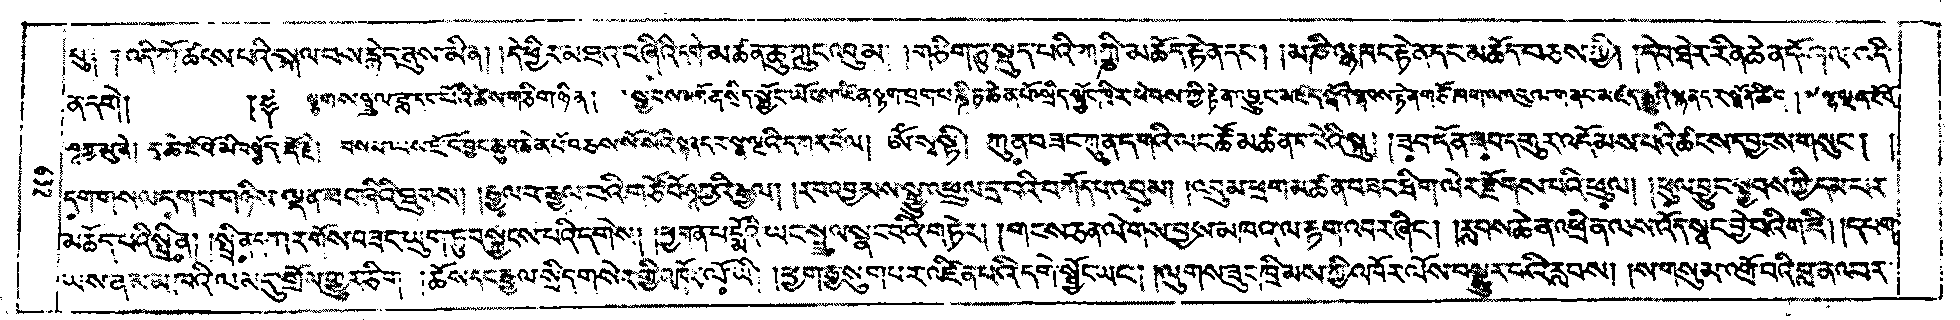པུ། །འདི་ཀོ་ཚངས་པའི་སྐལ་པས་རྙེད་ནུས་མིན། །དེ་ཕྱིར་མཐའ་བཞིའི་དགེ་མཚན་ཆུ་ཀླུང་འབུམ། །གཅིག་ཏུ་སྡུད་པའི་ཀཀྞི་མཆོད་རྟེན་དང་། །མ་ཎི་ལྷ་ཁང་རྟེན་དང་མཆོད་བཅས་ཀྱི། །དེབ་ཐེར་རིན་ཆེན་དོ་ཤལ་འདི་
ན་དགེ ། །། ༈ ལྕགས་སྦྲུལ་ཟླ་དང་པོའི་ཚེས་གཅིག་ཉིན། ༧སྐྱབས་མགོན་སྲིད་སྐྱོང་ཡོངས་འཛིན་སྟག་བྲག་པཎྜི་ཏ་ཆེན་པོ་སྲིད་སྐྱོང་ཁྲིར་ཕེབས་ཀྱི་རྟེན་འབྱུང་མཛད་སྒོའི་སྐབས་རྟེན་གཙོ་ཁག་ལ་འབུལ་གནང་མཛད་རྒྱུའི་སྙན་དར་སྨོན་ཚིག །༧ལྷ་ལྡན་ཇོ་བོ་
ཤཱཀྱ་མུ་ནེ། རྭ་ཆེ་ཇོ་བོ་མི་བསྐྱོད་རྡོ་རྗེ། བསམ་ཡས་ཇོ་བོ་བྱང་ཆུབ་ཆེན་པོ་བཅས་སོ་སོའི་སྙན་དར་སྣ་ལྔའི་དཀར་པོ་ལ། ཨོཾ་སྭསྟི། ཀུན྾་བཟང་ཀུན྾་དགའི་ལང་ཚོ་མཚན་དཔེའི་སྐུ། །ཟབ྾་དོན་ཟབ྾་དགུར་འདོམས་པའི་ཚངས་དབྱངས་གསུང་། །
དག྾་གསལ་དག྾་པ་གཉིས་ལྡན་ཟབ་ཞིའི་ཐུགས། །རྒྱལ྾་བ་རྒྱལ྾་བའི་གཙོ་བོ་ཤཱཀྱའི་རྒྱལ། །རབ་འབྱམས་སྒྱུ་འཕྲུལ་དྲ་བའི་བཀོད་པ་འབུམ྾། །འབུམ྾་ཕྲག་མཚན་བཟང་ཐིག་ལེར་རྫོགས་པའི་ཕུལ྾། །ཕུལ྾་བྱུང་སྐྱབས་ཀྱི་དམ་པར་
མཆོད་པའི་སྤྲིན྾། །སྤྲིན྾་དཀར་གོས་བཟང་ཡུག་ཏུ་བསྐྱངས་པའི་དགེས། །ཕྱག་ན་པདམོའི་ཡང་སྤྲུལ་སྣང་བའི་གཏེར། །གངས་ཅན་ལེགས་བྱས་མཁའ་ལ་རྟག་འབར་ཞིང་། །རླབས་ཆེན་འཕྲིན་ལས་འོད་སྣང་བྱེ་བའི་གཟི། །དཔག་
ཡས་ནམ་མཁའི་ལམ་དུ་གྲོལ་གྱུར་ཅིག །ཆོས་དང་རྒྱལ་སྲིད་གསེར་གྱི་འཁོར྾་ལོ྾་ཡི། །ཕྱག་རྒྱ་སུག་པར་འཛིན་པའི་དགེ་སྦྱོང་ཡང་། །ལུགས་ཟུང་ཁྲིམས་ཀྱི་འཁོར་ལོས་བསྒྱུར་བའི་རླབས། །ས་གསུམ་འགྲོ་བའི་བླ་ན་འབར་